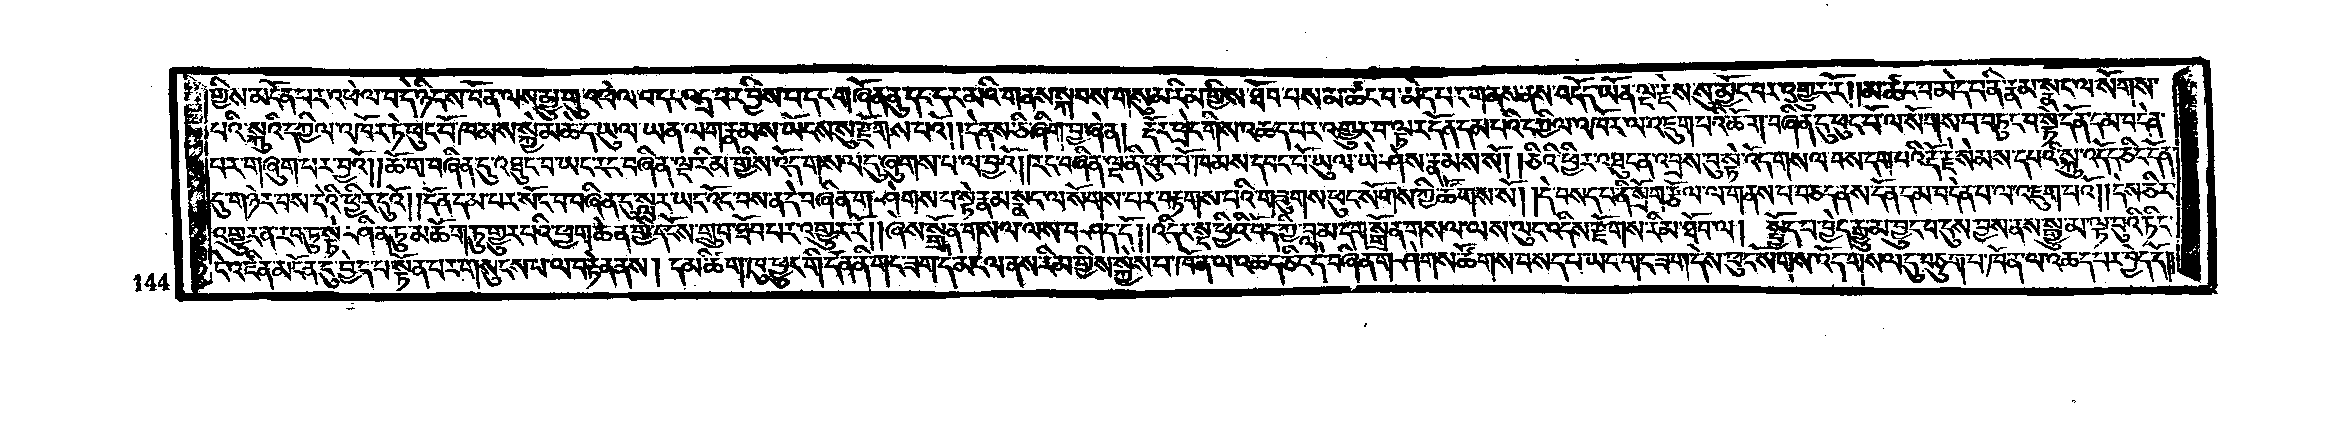གྱིས་མངོན་པར་འཕེལ་བ་དེ་ཉིད་ས་བོན་ལས་མྱུ་གུ་འཕེལ་བ་དང་འདྲ་བར་བྱིས་པ་དང་གཞོན་ནུ་དང་དར་མའི་གནས་སྐབས་གསུམ་རིམ་གྱིས་ཐོབ་པས་མ་ཚང་བ་མེད་པར་གནས་ནས་འདོད་ཡོན་ལྔ་རྗེས་སུ་མྱོང་བར་འགྱུར་རོ། །མ་ཚང་བ་མེད་པ་ནི་རྣམ་སྣང་ལ་སོགས་
པའི་སྐུའི་དཀྱིལ་འཁོར་ཏེ་ཕུང་པོ་ཁམས་སྐྱེ་མཆེད་ཡུལ་ཡན་ལག་རྣམས་ཡོངས་སུ་རྫོགས་པའོ། །དེ་ནས་ཅི་ཞིག་བྱ་ཞེ་ན། རྡོར་ཕྲེང་གིས་འཆད་པར་འགྱུར་བ་ལྟར་དོན་དམ་པའི་དཀྱིལ་འཁོར་ལ་འཇུག་པའི་ཆོ་ག་བཞིན་དུ་ཕུང་པོ་ལ་སོགས་པ་བཏུང་བ་སྟེ་དོན་དམ་བདེན་
པར་གཞུག་པར་བྱའོ། །ཆོ་ག་བཞིན་དུ་འཐུང་བ་ཡང་རང་བཞིན་ལྔ་རིམ་གྱིས་འོད་གསལ་དུ་ཞུགས་པ་ལ་བྱའོ། །རང་བཞིན་ལྔ་ནི་ཕུང་པོ་ཁམས་དབང་པོ་ཡུལ་ཡེ་ཤེས་རྣམས་སོ། །ཅིའི་ཕྱིར་འཐུང་ན་འབྲས་བུ་སྟེ་འོད་གསལ་བས་དག་པའི་རྡོ་རྗེ་སེམས་དཔའ་སྐུ་འདོད་ཅིང་དོན་
དུ་གཉེར་བས་དེའི་ཕྱིར་དུའོ། །དོན་དམ་པར་སོང་བ་བཞིན་དུ་སླར་ཡང་འོང་བས་ན་དེ་བཞིན་གཤེགས་པ་སྟེ་རྣམ་སྣང་ལ་སོགས་པར་བརྟགས་པའི་གཟུགས་ཕུང་སོགས་ཀྱི་ཚོགས་སོ། །དེ་བསད་པ་ནི་སྲོག་རྩོལ་ལ་གནས་པ་བཅད་ནས་དོན་དམ་བདེན་པ་ལ་འཇུག་པའོ། །དེས་ཅིར་
འགྱུར་ན་རབ་ཏུ་སྟེ་ཤིན་ཏུ་མཆོག་ཏུ་གྱུར་པའི་ཕྱག་ཆེན་གྱི་དངོས་གྲུབ་ཐོབ་པར་འགྱུར་རོ། །ཞེས་སྒྲོན་གསལ་ལས་བཤད་དོ། །འདིར་སྔ་ཕྱིའི་བོད་ཀྱི་བླ་མ་དག་སྒྲོན་གསལ་ལས་ལུང་འདིས་རྫོགས་རིམ་ཐོབ་ལ། སྤྱོད་པ་བྱེད་རྒྱུ་མ་བྱུང་བ་དུས་བྱས་ནས་སྒྱུ་མ་ལྟ་བུའི་ཏིང་
ངེ་འཛིན་མངོན་དུ་བྱེད་པ་སྟོན་པར་གསུངས་པ་ལ་བརྟེན་ནས། དམ་ཚིག་ཁུ་ཕྱུང་གི་དོན་ནི་གང་ཟག་དེ་མངལ་ནས་རིམ་གྱིས་སྐྱེས་པ་ཁོ་ན་ལ་འཆད་ཅིང་དེ་བཞིན་གཤེགས་ཚོགས་བསད་པ་ཡང་གང་ཟག་དེས་ཕུང་སོགས་འོད་གསལ་དུ་བཅུག་པ་ཁོ་ན་ལ་འཆད་པར་བྱེད་དོ།